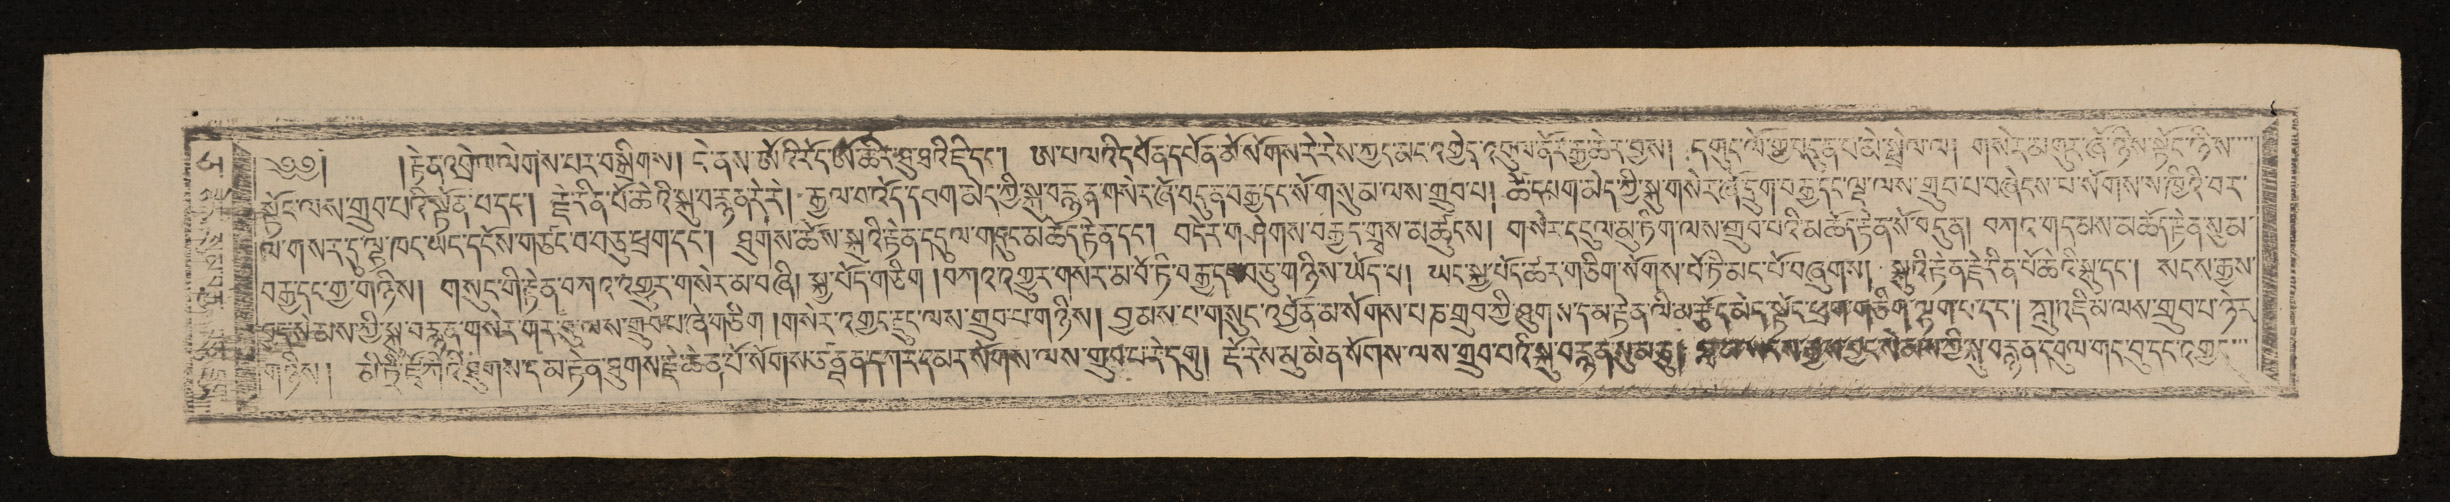༄༅། །རྟེན་འབྲེལ་ལེགས་པར་བསྒྲིགས། དེ་ནས་ཨོའི་རོད་ཨོ་ཆིར་ཐུ་ཐའི་ཇི་དང་། ཨ་བ་ལའི་དཔོན་དཔོན་མོ་སོགས་རེ་རེས་ཀྱང་མང་འགྱེད་འབུལ་ནོར་རྒྱ་ཆེར་བྱས། དགུང་ལོ་གྱ་བདུན་བ་མེ་སྤྲེལ་ལ། གསེར་མགུར་ཞོ་ཉིས་སྟོང་ཉིས་
སྟོང་ལས་གྲུབ་པའི་སྟོན་པ་དང་། རྗེ་རིན་པོ་ཆེའི་སྐུ་བརྙན་རེ་རེ། རྒྱལ་བ་འོད་དཔག་མེད་ཀྱི་སྐུ་བརྙན་གསེར་ཞོ་བདུན་བརྒྱ་དང་སོ་གསུམ་ལས་གྲུབ་པ། ཚེ་དཔག་མེད་ཀྱི་སྐུ་གསེར་ཞོ་དྲུག་བརྒྱ་དང་ལྔ་ལས་གྲུབ་པ་བཞེངས་པ་སོགས་ས་ཁྱིའི་བར་
ལ་གསར་དུ་ལྷ་ཁང་ཡང་དངོས་གཙང་བ་བཅུ་ཕྲག་དང་། ཐུགས་ཆོས་སྐུའི་རྟེན་དངུལ་གདུང་མཆོད་རྟེན་དང་། བདེར་གཤེགས་བརྒྱད་གྲྭས་མཚུངས། གསེར་དངུལ་མུ་ཏིག་ལས་གྲུབ་པའི་མཆོད་རྟེན་སོ་བདུན། བཀའ་གདམས་མཆོད་རྟེན་སུམ་
བརྒྱ་དང་གྱ་གཉིས། གསུང་གི་རྟེན་བཀའ་འགྱུར་གསེར་མ་བཞི། སྐྱ་པོད་གཅིག །བཀའ་འགྱུར་གསེར་མ་པོ་ཏི་བརྒྱ་དང་བཅུ་གཉིས་ཡོད་པ། ཡང་སྐྱ་པོད་ཚར་གཅིག་སོགས་པོ་ཏི་མང་པོ་བཞུགས། སྐུའི་རྟེན་རྗེ་རིན་པོ་ཆེའི་སྐུ་དང་། སངས་རྒྱས་
བྱང་སེམས་ཀྱི་སྐུ་བརྙན་གསེར་གར་བུ་ལས་གྲུབ་པ་ཞེ་གཅིག །གསེར་འགྱང་རྡུང་ལས་གྲུབ་པ་གཉིས། བྱམས་པ་གསུང་འབྱོན་མ་སོགས་པཎ་གྲུབ་ཀྱི་ཐུགས་དམ་རྟེན་ལི་མ་རྩོད་མེད་སྟོང་ཕྲག་གཅིག་ལྷག་པ་དང་། ཀླུ་འཇིམ་ལས་གྲུབ་པ་ཉེར་
གཉིས། མི་ཏྲ་ཛྭོ་ཀིའི་ཐུགས་དམ་རྟེན་ཐུགས་རྗེ་ཆེན་པོ་སོགས་ཙནྡན་དཀར་དམར་སོགས་ལས་གྲུབ་པ་རེ་དགུ། རྡོ་རེས་མུ་མེན་སོགས་ལས་གྲུབ་པའི་སྐུ་བརྙན་སུམ་ཅུ། བླ་མ་སངས་རྒྱས་བྱང་སེམས་ཀྱི་སྐུ་བརྙན་དངུལ་གར་བུ་དང་འགྱང་